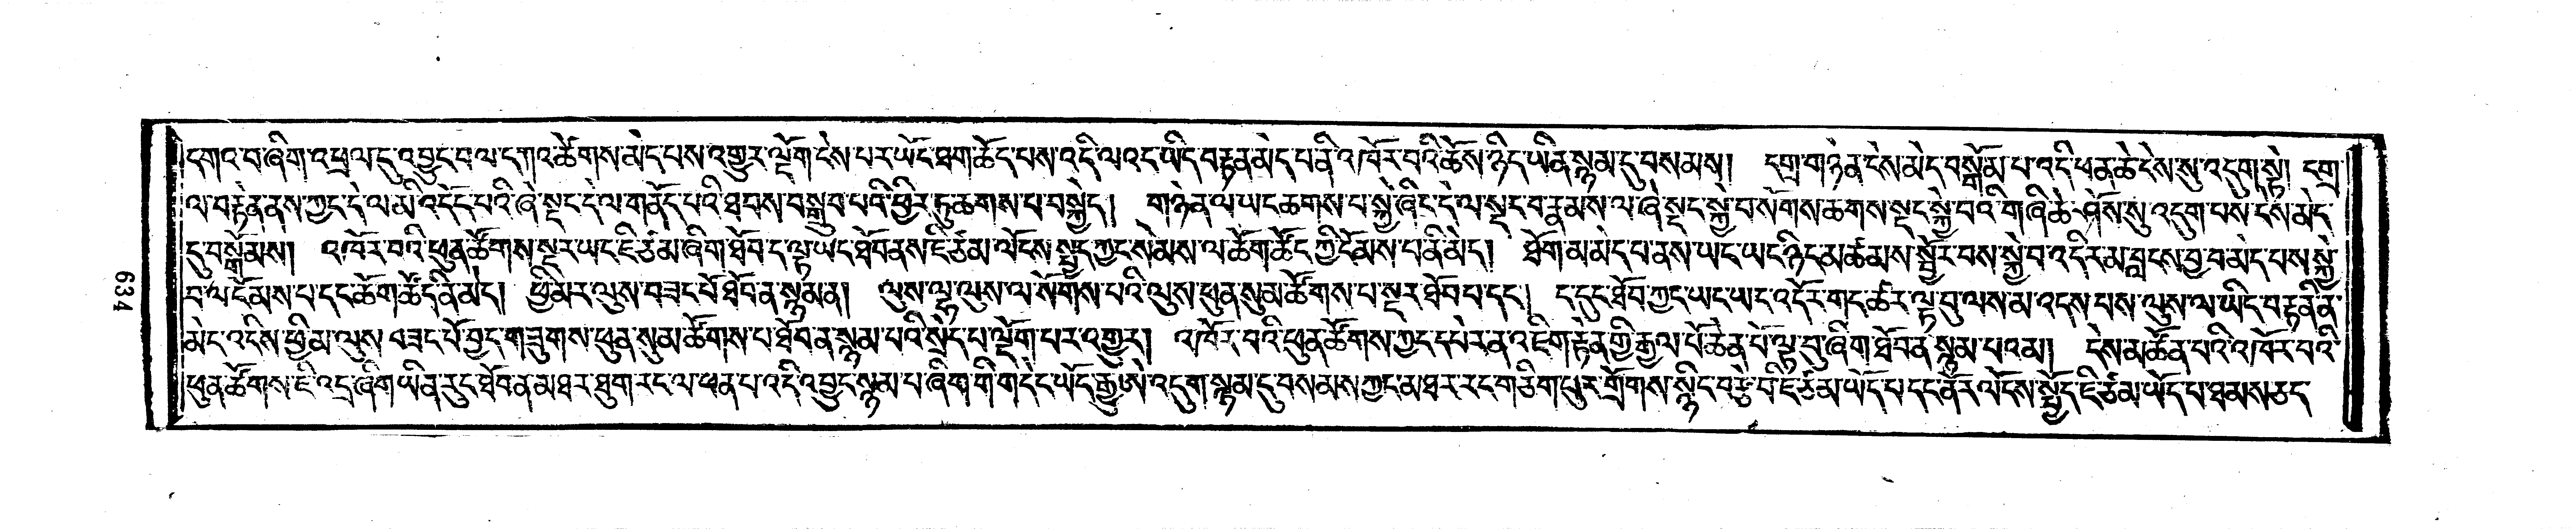དགའ་བ་ཞིག་འཕྲལ་དུ་འབྱུང་བ་ལ་དཀའ་ཚེགས་མེད་པས་འགྱུར་ལྡོག་ངེས་པར་ཡོང་ཐག་ཆོད་པས་འདི་ལའང་ཡིད་བརྟན་མེད་པ་ནི་འཁོར་བའི་ཆོས་ཉིད་ཡིན་སྙམ་དུ་བསམས། དགྲ་གཉེན་ངེས་མེད་བསྒོམ་པ་འདི་ཕན་ཆེ་ངེས་སུ་འདུག་སྟེ། དགྲ་
ལ་བརྟེན་ནས་ཀྱང་དེ་ལ་མི་འདོད་པའི་ཞེ་སྡང་དེ་ལ་གནོད་པའི་ཐབས་བསྒྲུབ་པའི་ཕྱིར་ཏུ་ཆགས་པ་བསྐྱེད། གཉེན་ལ་ཡང་ཆགས་པ་སྐྱེ་ཞིང་དེ་ལ་སྡང་བ་རྣམས་ལ་ཞེ་སྡང་སྐྱེ་བ་སོགས་ཆགས་སྡང་སྐྱེ་བའི་གཞི་ཆེ་ཤོས་སུ་འདུག་བས་ངེས་མེད་
དུ་བསྒོམས། འཁོར་བའི་ཕུན་ཚོགས་སྡར་ཡང་ཇི་ཙམ་ཞིག་ཐོབ་ད་ལྟ་ཡང་ཐོབ་ནས་ཇི་ཙམ་ལོངས་སྤྱད་ཀྱང་སེམས་ལ་ཆོ་ག་ཚོད་ཀྱི་ངོམས་པ་ནི་མེད། ཐོག་མ་མེད་པ་ནས་ཡང་ཡང་ཉིད་མཚམས་སྦྱོར་བས་སྐྱེ་བ་འདིར་མ་བླངས་བྱ་བ་མེད་པས་སྐྱེ་
བ་ལ་ངོམས་པ་དང་ཆོ་ག་ཚོད་ནི་མེད། ཕྱི་མར་ལུས་བཟང་པོ་ཐོབ་ན་སྙམ་ན། ལུས་ལྷ་ལུས་ལ་སོགས་པའི་ལུས་ཕུན་སུམ་ཚོགས་པ་སྔར་ཐོབ་པ་དང་། ད་དུང་ཐོབ་ཀྱང་ཡང་ཡང་འདོར་གང་ཚར་ལྟ་བུ་ལས་མ་འདས་པས་ལུས་ལ་ཡིད་བརྟ་ནི་ན་
མེད་འདིས་ཕྱི་མ་ལུས་བཟང་པོ་བྱད་གཟུགས་ཕུན་སུམ་ཚོགས་པ་ཐོབ་ན་སྙམ་པའི་སྲེད་པ་ལྡོག་པར་འགྱུར། འཁོར་བའི་ཕུན་ཚོགས་ཀྱང་དཔེར་ན་འཇིག་རྟེན་གྱི་རྒྱལ་པོ་ཆེན་པོ་ལྟ་བུ་ཞིག་ཐོབ་ན་སྙམ་པའམ། དེས་མཚོན་པའི་འཁོར་བའི་
ཕུན་ཚོགས་ཇི་འདྲ་ཞིག་ཡིན་རུང་ཐོབ་ན་མཐར་ཐུག་རང་ལ་ཕན་པ་འདི་འབྱུང་སྙམ་པ་ཞིག་གི་གདེང་ཡོད་རྒྱུ་ཨེ་འདུག་སྙམ་དུ་བསམས་ཀྱང་མཐར་རང་གཅིག་པུར་གྲོགས་སྙིང་བརྩེ་བ་ཇི་ཙམ་ཡོད་པ་དང་ནོར་ལོངས་སྤྱོད་ཇི་ཙམ་ཡོད་པ་ཐམས་ཅད་